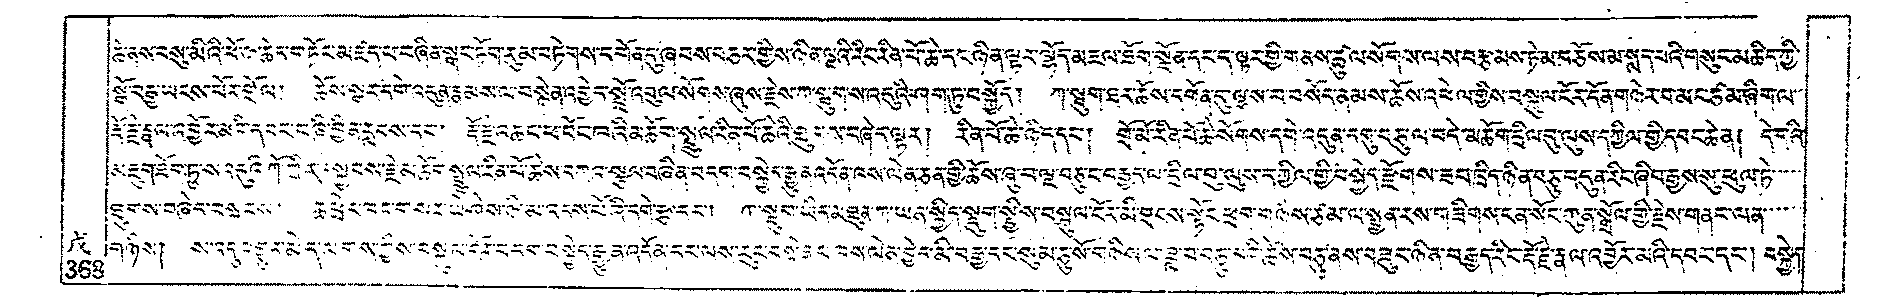ཆེ་ནས་བསུ་མིའི་ཕོ་ཉ་ཆེད་གཏོང་མཛད་པ་བཞིན་སྒང་ཏོག་རུམ་བཏེགས་དགོན་དུ་ཞབས་བཅར་གྱིས་ཉིན་ལྔའི་རིང་རིན་པོ་ཆེ་དང་ཉིན་ལྟར་ལྷོད་མཇལ་ཐོག་སྔོན་དང་ད་ལྟར་གྱི་གནས་ཚུལ་སོགས་ལས་བརྩམས་ཏེ་མ་བཅོས་མ་སླད་པའི་གསུང་མཆིད་ཀྱི་
སྒོ་བརྒྱ་ཡངས་པོར་གྲོལ། ཆོས་སྒར་དགེ་འདུན་རྣམས་ལ་བསྙེན་འགྱེད་སྤྲོ་འབུལ་སོགས་ཞུས་རྗེས་ཀ་སྦུག་ས་འདུའི་ཤག་ཏུ་བསྐྱོད། ཀ་སྦུག་ཐར་ཆོས་དགོན་དུ་ལྷ་ས་བ་བསོད་ནམས་ཆོས་འཕེལ་གྱིས་བསྐུལ་ངོར་དོན་གཉེར་བ་མང་ཙམ་ཞིག་ལ་
རྡོ་རྗེ་རྣལ་འབྱོར་མའི་དབང་བཞི་བྱིན་རླབས་དང་། རྡོ་རྗེ་འཆང་ཕ་བོང་ཆའི་མཆོག་སྤྲུལ་རིན་པོ་ཆེའི་ཐུགས་བཞེད་ལྟར། རིན་པོ་ཆེ་ཉིད་དང་། གྲོ་མོ་རིན་པོ་ཆེ་སོགས་དགེ་འདུན་དགུ་བཅུ་ལ་བདེ་མཆོག་དྲིལ་བུ་ལུས་དཀྱིལ་གྱི་དབང་ཆེན། དེ་གའི་
མཇུག་ཐོག་ཏུ་ས་འདུའི་ཀོ་ཀྲིར་༧སྐྱབས་རྗེ་མཆོག་སྤྲུལ་རིན་པོ་ཆེས་བཀའ་སྩལ་བཞིན་བདག་བསྐྱེད་རྒྱུན་འདོན་ཁས་ལེན་ཅན་གྱི་ཆོས་ཞུ་བ་ལྔ་བཅུ་ང་བརྒྱད་ལ་དྲིལ་བུ་ལུས་དཀྱིལ་གྱི་བསྐྱེད་རྫོགས་ཟབ་ཁྲིད་ཉིན་བཅུ་བདུན་རིང་ཞིབ་རྒྱས་སུ་ཕུལ་ཏེ་
ཐུགས་བཞེད་བསྐངས། ཆ་ཕྲེང་ཁང་གསར་ཡེ་ཤེས་ཉི་མ་འདས་པོའི་དགེ་རྩ་དང་། ཀ་སྦུག་ཡིད་མཐུན་ཀ་ཡན་སྐྱིད་སྡུག་སྤྱིས་བསྐུལ་ངོར་མི་གྲངས་སྟོང་ཕྲག་གཉིས་ཙམ་ལ་སྤྱན་རས་གཟིགས་ངན་སོང་ཀུན་སྒྲོལ་གྱི་རྗེས་གནང་ལན་
གཉིས། ས་འདུ་འགྱུར་མེད་ལགས་ཀྱིས་བསྐུལ་ངོར་བདག་བསྐྱེད་རྒྱུན་འདོན་དང་ལས་རུང་བསྙེན་པ་ཁས་ལེན་བྱེད་མི་བརྒྱ་དང་སུམ་ཅུ་སོ་གཉིས་ལ་ཟླ་བ་བཅུ་པའི་ཚེས་བཅུ་ནས་བཟུང་ཉིན་བརྒྱད་རིང་རྡོ་རྗེ་རྣལ་འབྱོར་མའི་དབང་དང་། བསྐྱེད་